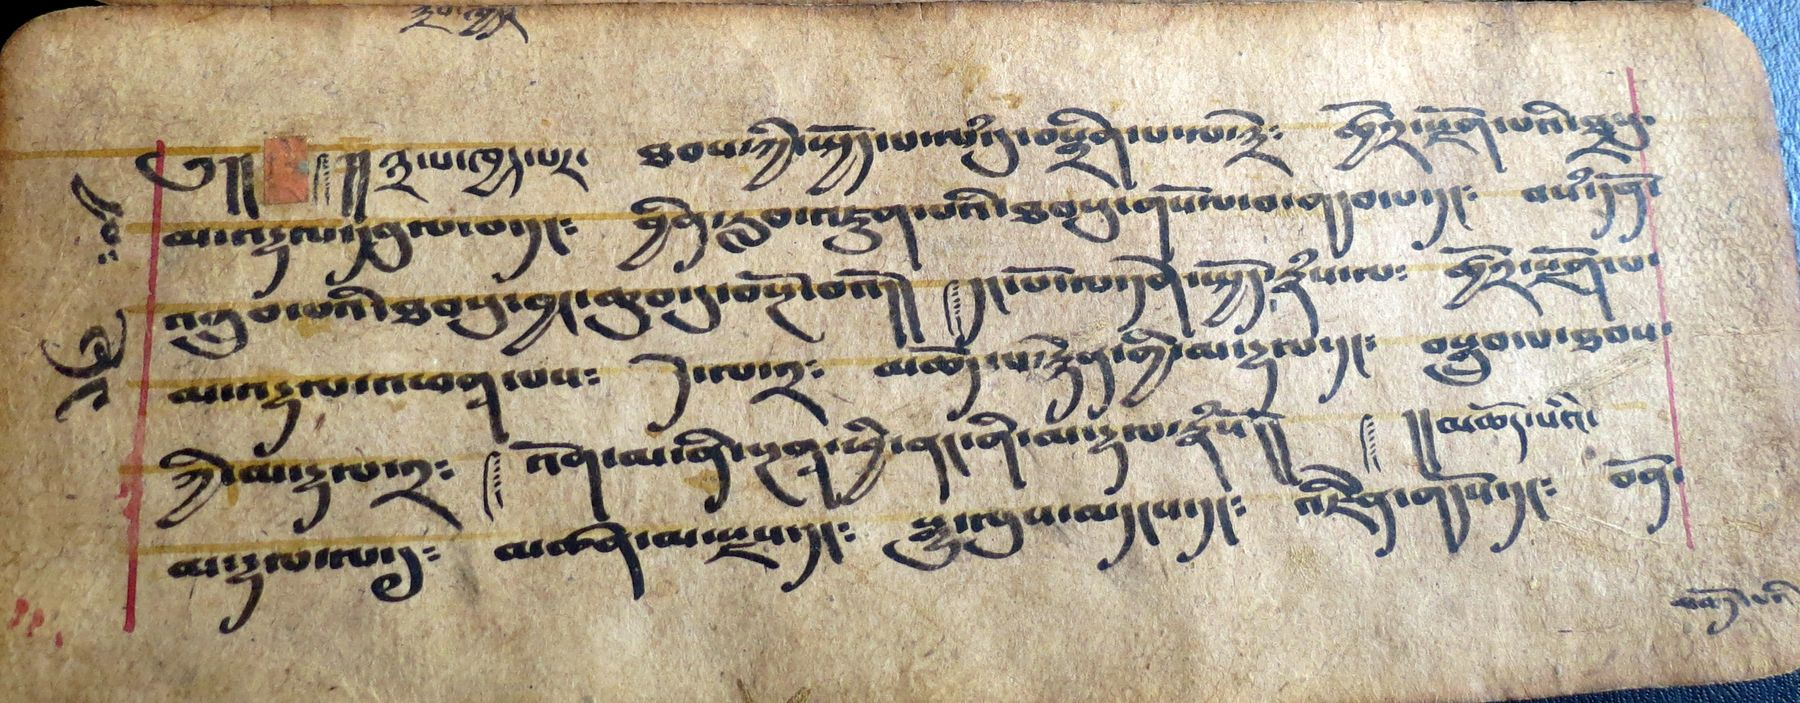གསུམ་པ་ཁྱད་པར་ཐབས་ཀྱི་སྤྱོད་པ་ལམ་དུ་སྒྲིག་པ་ལ་གསུམ་སྟེ། ཚོགས་གཉིས་རྫོགས་པའི་ཐབས་སུ་
མ་འདལ་འབུལ་བ་དང་། བྱིན་རླབས་གཞུག་པའི་ཐབས་སུ་གསོལ་བ་གདབ་པ་དང་། བསམ་དོན་
འགྲུབ་པའི་ཐབས་སུ་བྱང་ཆུབ་ཏུ་བསྔོ་བའོ། ། དང་པོ་ལ་དགེ་སྤྱོད་རྣམས་ལ་ཁྱད་པར་དུ་ཚོགས་གཉིས་
རྫོགས་པ་ལ་ཡང་མཐུན་ཏེ་མ་འདལ་འཕགས་པས། དེ་ལ་གཉིས། མཆོད་པ་རྟེན་གྱི་མ་འདལ་དང་། སྒྲུབ་ཐབས་
ཀྱི་མ་འདལ་ལོ། འོག་མ་ནི་སྔགས་ཕྱི་ནང་གི་དཀྱིལ་འཁོར་རྣམས་སོ། མཆོད་པའི་
མཎྜལ་ལ་དྲུག་སྟེ་མཚན་མ་རྫས་དང་། སྒྱུ་ལུས་མདངས་དང་། འཇིག་རྟེན་ལྟོས་དང་། བོན་ཉིད་